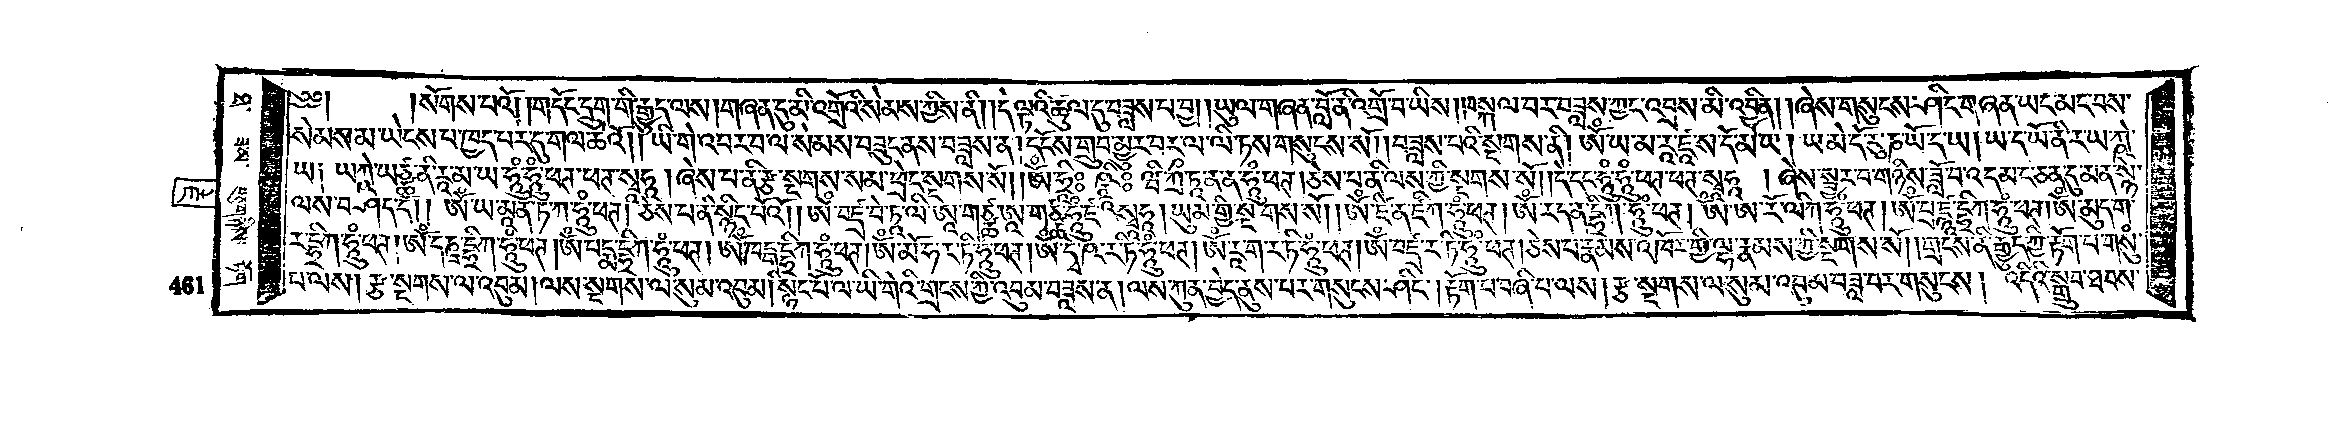༄༅། །སོགས་པའོ། །གདོང་དྲུག་གི་རྒྱུད་ལས། གཞན་དུ་མི་འགྲོའི་སེམས་ཀྱིས་ནི། །དེ་ལྟའི་ཚུལ་དུ་བཟླས་པ་བྱ། །ཡུལ་གཞན་བློ་ནི་འགྲོ་བ་ཡིས། །བསྐལ་བར་བཟླས་ཀྱང་འབྲས་མི་འབྱིན། །ཞེས་གསུངས་ཤིང་གཞན་ཡང་མང་བས་
སེམས་མ་ཡེངས་པ་ཁྱད་པར་དུ་གལ་ཆེའོ། །ཡི་གེ་འབར་བ་ལ་སེམས་བཟུང་ནས་བཟླས་ན། དངོས་གྲུབ་མྱུར་བར་ལ་ལི་ཏས་གསུངས་སོ། །བཟླས་པའི་སྔགས་ནི། ཨོཾ་ཡ་མ་རཱ་ཛཱ་ས་དོ་མེ་ཡ། ཡ་མེ་དོ་རུ་ཎ་ཡོ་ད་ཡ། ཡ་ད་ཡོ་ནི་ར་ཡ་ཀྵེ་
ཡ། ཡཀྵེ་ཡཙྪ་ནི་རཱ་མ་ཡ་ཧཱུཾ་ཧཱུཾ་ཕཊ་ཕཊ་སྭཱཧཱ། ཞེས་པ་ནི་རྩ་སྔགས་སམ་ཕྲེང་སྔགས་སོ། །ཨོཾ་ཧྲཱིཿ ཥྚྲིཿ ཝི་ཀྲྀ་ཏཱ་ན་ན་ཧཱུཾ་ཕཊ། ཅེས་པ་ནི་ལས་ཀྱི་སྔགས་སོ། །དེ་དང་ཧཱུཾ་ཧཱུཾ་ཕགས་ཕགས་སྭཱཧཱ་།ཞེས་སྦྱར་བ་གཉིས་ཟློ་བ་འདམ་ང་ཅན་དུ་མན་སྙེ་
ལས་བཤད་དོ། །ཨོཾ་ཡ་མཱན་ཏ་ཀ་ཧཱུཾ་ཕཊ། ཅེས་པ་ནི་སྙིང་པོའོ། །ཨོཾ་བཛྲ་བེ་ཏཱ་ལི་ཨཱ་གཙྪ་ཨཱ་གཙྪ་ཧཱུཾ་ཛ་སྭཱཧཱ། ཡུམ་གྱི་སྔགས་སོ། །ཨོཾ་ཇི་ན་ཛི་ཀ་ཧཱུཾ་ཕཊ། ཨོཾ་རད་ན་དྷྲི་ཀ་ཧཱུཾ་ཕཊ། ཨོཾ་ཨ་རོ་ལི་ཀ་ཧཱུཾ་ཕཊ། ཨོཾ་པྲཛྙཱ་དྷྲི་ཀ་ཧཱུཾ་ཕཊ། ཨོཾ་མུད་ག་
ར་དྷྲིཀ་ཧཱུཾ་ཕཊ། ཨོཾ་དཎྜ་དྷྲི་ཀ་ཧཱུཾ་ཕཊ། ཨོཾ་པདམ་དྷྲི་ཀ་ཧཱུཾ་ཕཊ། ཨོཾ་ཁངྒ་དྷྲི་ཀ་ཧཱུཾ་ཕཊ། ཨོཾ་མོ་ཧ་ར་ཏི་ཧཱུཾ་ཕཊ། ཨོཾ་དྭེ་ཥ་ར་ཏི་ཧཱུཾ་ཕཊ། ཨོཾ་རཱ་ག་ར་ཏི་ཧཱུཾ་ཕཊ། ཨོཾ་བཛྲ་ར་ཏི་ཧཱུཾ་ཕཊ། ཅེས་པ་རྣམས་འཁོར་གྱི་ལྷ་རྣམས་ཀྱི་སྔགས་སོ། །གྲངས་ནི་རྒྱུད་ཀྱི་རྟོག་པ་གསུཾ་
པ་ལས། རྩ་སྔགས་ལ་འབུམ། ལས་སྔགས་ལ་སུམ་འབུམ། སྙིང་པོ་ལ་ཡི་གེའི་གྲངས་ཀྱི་འབུམ་བཟླས་ན། ལས་ཀུན་བྱེད་ནུས་པར་གསུངས་ཤིང་། རྟོག་པ་བཞི་པ་ལས། རྩ་སྔགས་ལ་སུམ་འབུམ་བཟླ་བར་གསུངས། འདིའི་སྒྲུབ་ཐབས་